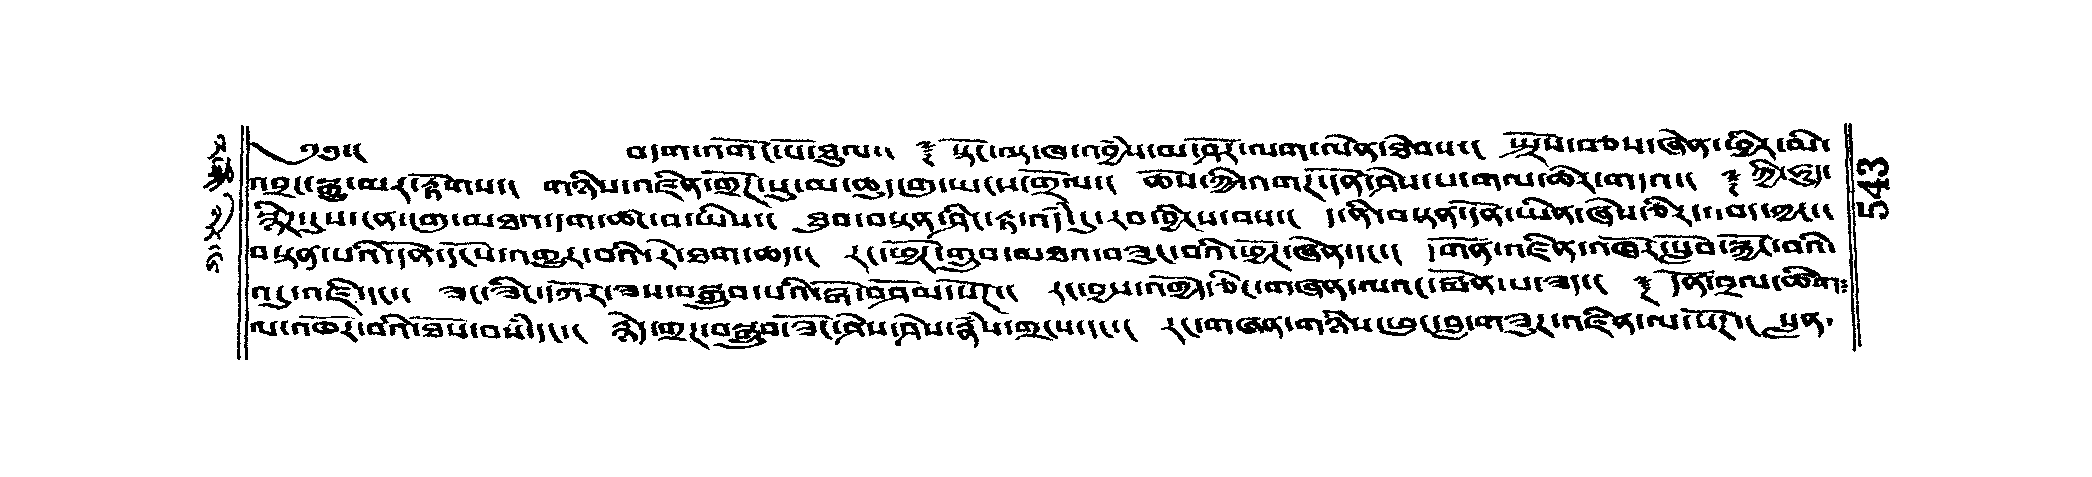བདག་འགོང་པོ་ཐུལ། ༈ སྟོང་ལྟ་ཁ་འབྱམས་མ་ཤོར་ལག་ལེན་ཐེབས། །སྤྲོས་བཅས་ཞེན་ཕྱིར་མི་
འབྲང་སྒྱུ་མར་རྟོགས། །གཉིས་འཛིན་གྲོགས་སུ་མ་ཆུད་གུ་ཡངས་གྲོལ། ཆོས་ཀྱི་ཀྱི་འགགས་དོན་ཤེས་པ་གལ་ཆེར་གདའ། ༈ ཀྱི་ཧུད། 
སྙིགས་དུས་ངན་དགུ་མཐའ་དག་ཚང་བ་ཡིས། །ཐུབ་བསྟན་ཤིང་རྟ་འདམ་དུ་རབ་བྱིངས་བས། །ད་ནི་བསྟན་དོན་ཡིན་ཞེས་ཅིར་འབད་ཀྱང་། །
བསྟན་པའི་དོན་དངོས་འགྱུར་བའི་རེ་ཐག་ཆད། །རང་ཕྱོགས་གྲུབ་མཐའ་བཟུང་བའི་ཕྱོགས་ཞེན་དང་། །དགོན་འཛིན་འཁོར་སློབ་སྐྱོང་བའི་
འདུ་འཛི་དང་། །ཟང་ཟིང་དཀོར་ཟས་བསྒྲུབ་པའི་སྒོ་བཤོམ་སོགས། །རང་བྱས་འགྱོད་ཅིང་གཞན་ལའང་སྨོན་པ་ཟད། ༈ དོན་བྲལ་ཚིག་
ལ་འཁོར་བའི་ཐོས་བསམ་དང་། །རྙེད་གྲགས་བསྒྲུབ་ཟོང་ཤེས་ཤེས་རྣམས་གྲངས་དང་། །རང་གཞན་གཉིས་ཕུང་བླ་གཟུགས་འཛིན་ལ་སོགས། །སླན་